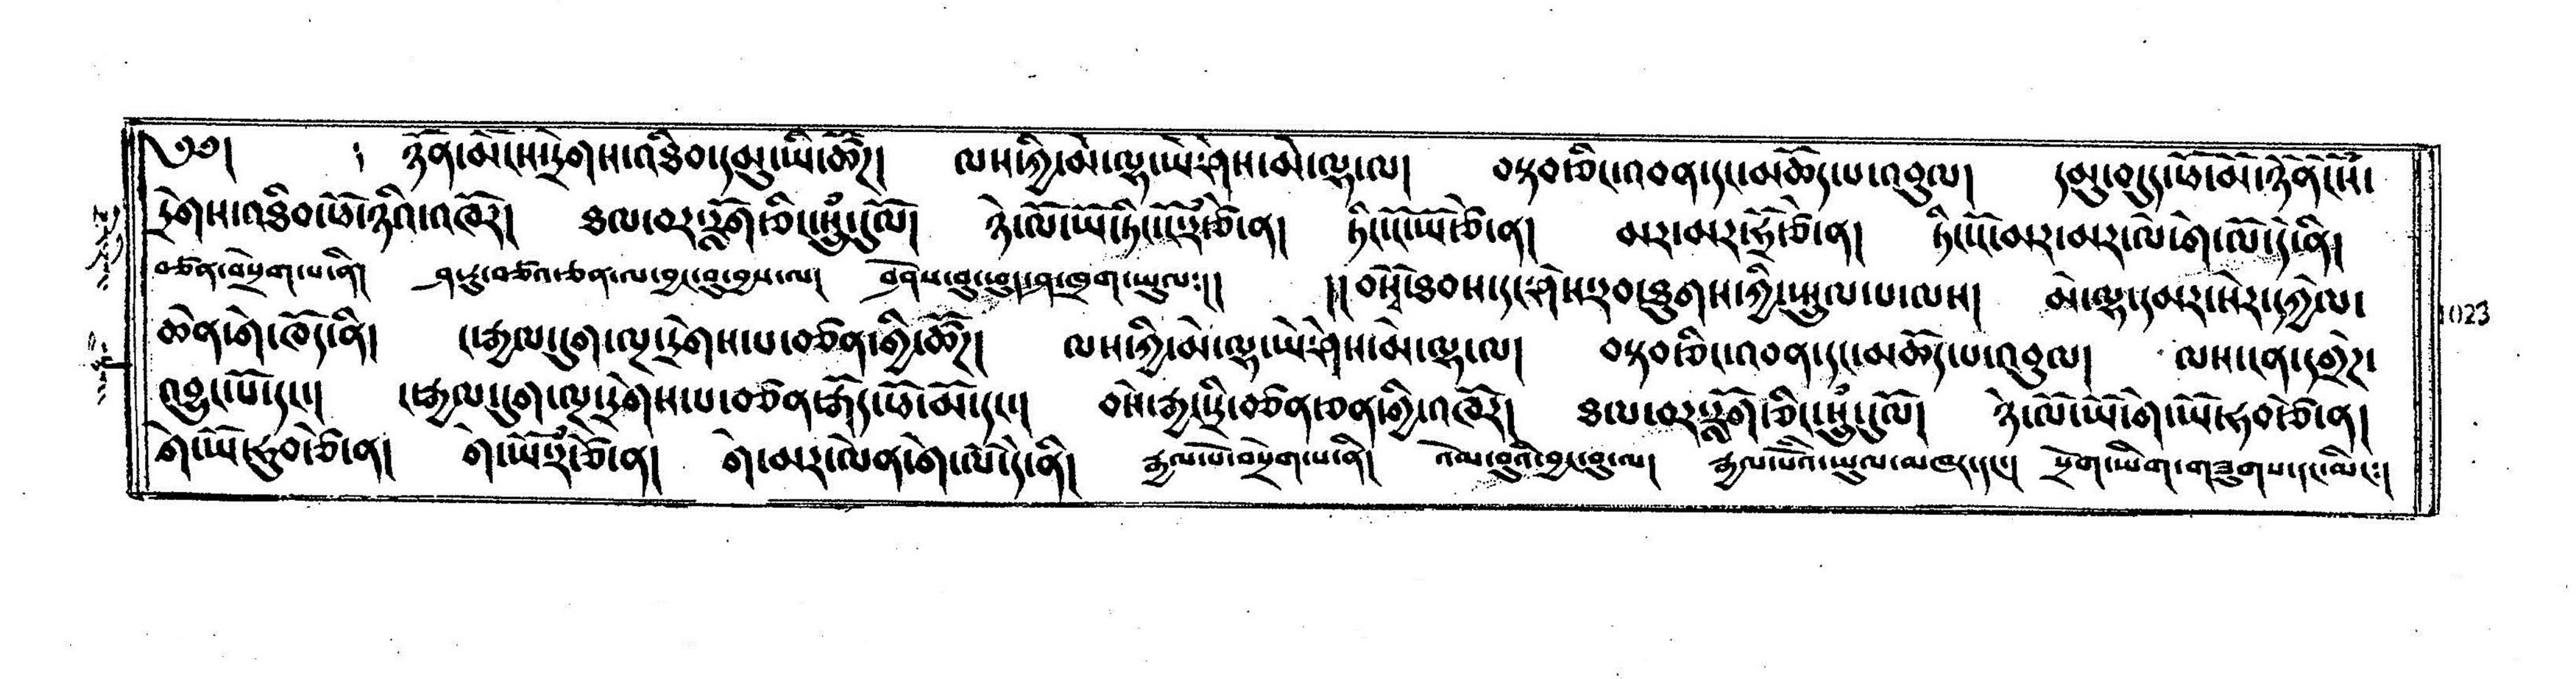ཉོན་མོངས་དྲེགས་འཐིབ་དམུ་ཡི་ཚོགས། ལས་ཀྱི་མེ་ལྷ་ཡེ་ཤེས་མེ་ལྷ་ལ། བསྟབ་ཅིང་འབན་དང་མཆོད་པ་འབུལ། དམུ་བདུད་ཕོ་མོ་ཉོན་མོངས་
དྲེགས་འཐིབ་ཕོ་ཉའི་འཁོར། ཐལ་བར་རློག་ཅིང་སྲུཾ་དུ་གསོལ། ཉེ་ལོ་ཡོ་ཏིང་ངོ་རཾ་ཙེ་ན། ཏིང་ངོ་ཡོ་ཙེ་ན། མར་མར་ཧྲོ་ཙེ་ན། ཏིང་ངོ་མར་མར་ལེ་གེ་ལོ་དེ་ནི།
བཙན་བསྲེག་པ་ནི། ཤ་རུ་བཙའ་ཅན་ལ་བྱང་བུ་བྱས་ལ། བཤོས་བུ་ཕུད་ཤ་ཁྲག་ཕུལ།། །།བསྭོ་ཐབས་དང་ཤེས་རབ་ཐུགས་ཀྱི་སྤྲུལ་པ་ལས། མེ་ལྷ་དམར་སེར་དཀྱེལ་
ཆེན་གེ་ཁོད་ནི། ང་རྒྱལ་དུག་ལྔ་དྲེགས་པ་བཙན་གྱི་ཚོགས། ལས་ཀྱི་མེ་ལྷ་ཡེ་ཤེས་མེ་ལྷ་ལ། བསྟབ་ཅིང་འབན་དང་མཆོད་པ་འབུལ། ལས་ངན་དགྲ་བགེགས་
འབྱུང་པོ་དང་། ང་རྒྱལ་དུག་ལྔ་དྲེགས་པ་བཙན་རྒོད་ཕོ་མོ་དང་། བསེ་རྒྱང་དྲི་བཙན་ཅན་གྱི་འཁོར། ཐལ་བར་རློག་ཅིང་སྲུང་དུ་གསོལ། ཉེ་ལོ་ཡོ་གེ་ཡོ་ཧབ་ཙེ་ན། 
གེ་ཡོ་ཧུབ་ཙེ་ན། གེ་ཡོ་རཾ་ཙེ་ན། གེ་མར་ལེན་གེ་ལོ་དེ་ནི། རྒྱལ་པོ་བསྲེག་པ་ནི། འོམ་བུའི་བྱང་བུ་ལ། རྒྱལ་པོའི་ཡུལ་མཁར་དང་། སྲོག་ཡིག་གཟུགས་དང་མིང་༴།